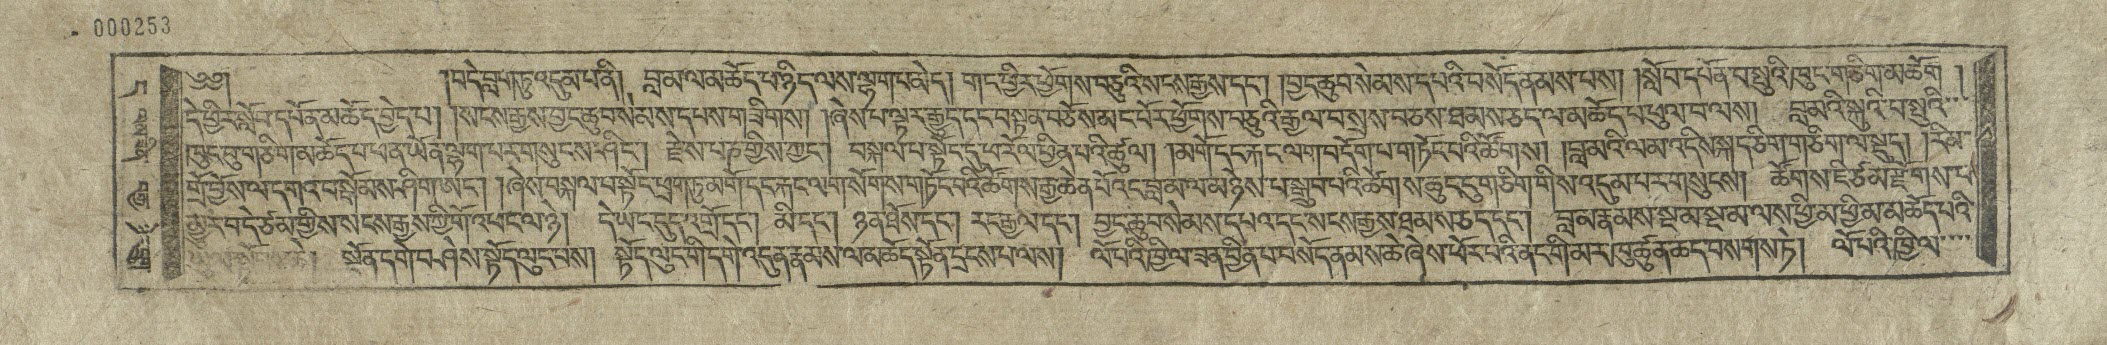༄༅། །བདེ་བླག་ཏུ་འདུམ་པ་ནི། བླ་མ་ལ་མཆོད་པ་ཉིད་ལས་ལྷག་པ་མེད། གང་ཕྱིར་ཕྱོགས་བཅུའི་སངས་རྒྱས་དང་། །བྱང་ཆུབ་སེམས་དཔའི་བསོད་ནམས་པས། །སློབ་དཔོན་བ་སྤུའི་ཁུང་གཅིག་མཆོག །
དེ་ཕྱིར་སློབ་དཔོན་མཆོད་བྱེད་པ། །སངས་རྒྱས་བྱང་ཆུབ་སེམས་དཔས་གཟིགས། །ཞེས་པ་ལྟར་རྒྱུད་དང་བསྟན་བཅོས་མང་པོར་ཕྱོགས་བཅུའི་རྒྱལ་བ་སྲས་བཅས་ཐམས་ཅད་ལ་མཆོད་པ་ཕུལ་བ་ལས། བླ་མའི་སྐུའི་བ་སྤུའི་
ཁུང་བུ་གཅིག་མཆོད་པ་ཕན་ཡོན་ལྷག་པར་གསུངས་ཤིང་། རྗེ་ས་པཎ་གྱིས་ཀྱང་། བསྐལ་པ་སྟོང་དུ་ཕ་རོལ་ཕྱིན་པའི་ཚུལ། །མགོ་དང་རྐང་ལག་བདོག་པ་གཏོང་བའི་ཚོགས། །བླ་མའི་ལམ་འདིས་སྐད་ཅིག་གཅིག་ལ་སྡུད། །རིམ་
གྲོ་བྱོས་ལ་དགའ་བ་སྒོམས་ཤིག་ཨང་། །ཞེས་བསྐལ་པ་སྟོང་ཕྲག་ཏུ་མགོ་དང་རྐང་ལག་སོགས་གཏོང་བའི་ཚོགས་རྒྱ་ཆེན་པོའང་བླ་མ་ལ་མཉེས་པ་སྒྲུབ་པའི་ཚེགས་ཆུང་ངུ་གཅིག་གིས་འདུམ་པར་གསུངས། ཚོགས་ཇི་ཙམ་རྫོགས་པ་
མྱུར་བ་དེ་ཙམ་གྱིས་སངས་རྒྱས་ཀྱི་གོ་འཕང་ལ་ཉེ། དེ་ཡང་དུད་འགྲོ་དང་། མི་དང་། ཉན་ཐོས་དང་། རང་རྒྱལ་དང་། བྱང་ཆུབ་སེམས་དཔའ་དང་སངས་རྒྱས་ཐམས་ཅད་དང་། བླ་མ་རྣམས་སྔ་མ་སྔ་མ་ལས་ཕྱི་མ་ཕྱི་མ་མཆོད་པའི་
ཡུལ་སྟོབས་ཆེ། སྔོན་དགེ་བཤེས་སྟོད་ལུང་པས། སྟོད་ལུང་གི་དགེ་འདུན་རྣམས་ལ་མཆོད་སྟོན་དྲངས་པ་ལས། ལོ་པའི་ཁྱི་ལ་ཟན་བྱིན་པ་བསོད་ནམས་ཆེ་ཞེས་ཕོར་པའི་ནང་གི་མར་ཁུ་ཚུན་ཆད་བསགས་ཏེ། ལོ་པའི་ཁྱི་ལ་